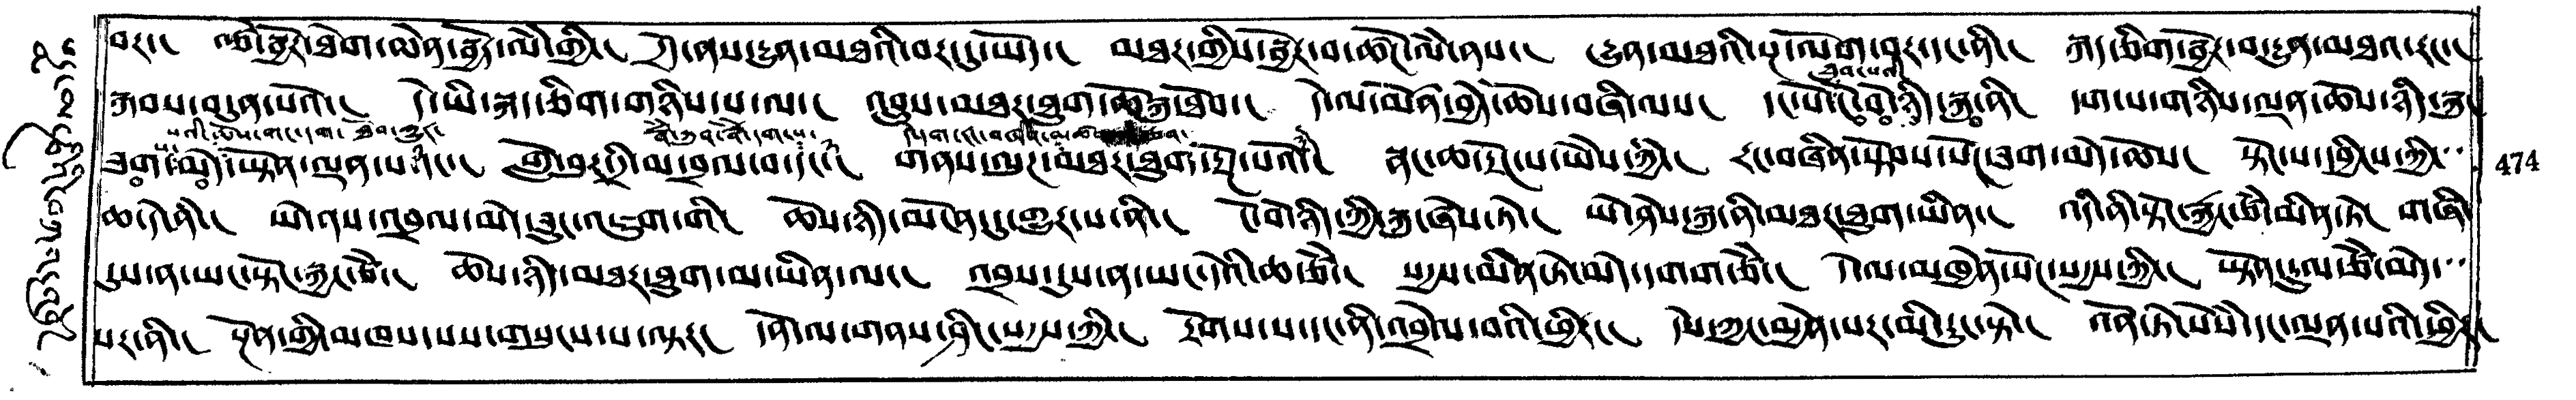བར། །རྩེ་སྦྱོར་ཐེག་ཆེན་སྦྱོར་ལམ་གྱི། །དྲོད་ནས་རྒྱུན་མཐའི་བར་དུ་ཡོད། །མཐར་གྱིས་སྦྱོར་བ་ཚོགས་ལམ་ནས། །རྒྱུན་མཐའི་སྔ་ལོགས་བར་དང་ནི། །སྐད་ཅིག་སྦྱོར་བ་རྒྱུན་མཐའ་རང་།། 
སྐབས་བདུན་པའོ།། དེ་ཡི་སྐད་ཅིག་གཉིས་པ་ལ། །འབྲས་བུ་མཐར་ཐུག་ཆོས་སྐུ་ཐོབ། །དེ་ལ་མཚོན་བྱེད་ཆོས་བཞི་ལས། །དང་པོ་ཐུབ་པའི་ངོ་བོ་ཉིད་སྐུ་ནི། །།དག་པ་གཉིས་ལྡན་ཆོས་ཉིད་སྐུ། །
ཟག་པ་མེད་པའི་ཆོས་གང་དག་ཐོབ་གྱུར་ཡོན་ཏན་ལྡན་པ་དང་། །གློ་བུར་དྲི་མ་བྲལ་བ་དང་།། རྣམ་ཀུན་རྣམ་དག་པ། གནས་ལུགས་དེ་དག་རང་བཞིན་མཚན་ཉིད་ཅན་མཐར་ཐུག་རྟོགས་པའོ། །སྣང་ཆ་རྟོགས་པ་ཡེ་ཤེས་ཀྱི། །རང་བཞིན་སྟོབས་སོགས་ ཟག་མེད་ཆོས། །སྟོང་པ་དབྱིངས་ཀྱི་
ཆ་དེ་ནི། །ཡེ་ནས་འབྲལ་མེད་ཟུང་འཇུག་གི། །ཆོས་ཉིད་མངོན་དུ་གྱུར་པ་ནི། །ངོ་བོ་ཉིད་ཀྱི་སྐུ་ཞེས་ཏེ། །ཡེ་ཤེས་སྐུ་ནི་མཐར་ཐུག་ཡིན། །འདི་ནི་སྟོང་རྐྱང་ཙམ་མིན་ཏེ། །གཞི་
དུས་ན་ཡང་སྟོང་རྐྱང་ཙམ། །ཆོས་ཉིད་མཐར་ཐུག་མ་ཡིན་ལ། །འབྲས་དུས་ན་ཡང་དེའི་ཆ་ཙམ། །སངས་རྒྱས་མིན་ཏེ་མེད་དགག་ཙམ། །དེ་ལ་མཁྱེན་སོགས་སངས་རྒྱས་ཀྱི། །ཡོན་ཏན་རྡུལ་ཙམ་མེད་
པར་ནི། །སྔོན་གྱི་མཁས་པས་གསུངས་པ་ལྟར། །དོན་ལ་གནས་ཤིང་སངས་རྒྱས་ཀྱི། །རྟོགས་པ་དང་ནི་འབྲེལ་བའི་ཕྱིར། །དེས་ཀྱང་མཁྱེན་པར་མི་རུང་སྟེ། །འོན་ཏེ་སེམས་དང་ལྡན་པའི་ཕྱིར།།